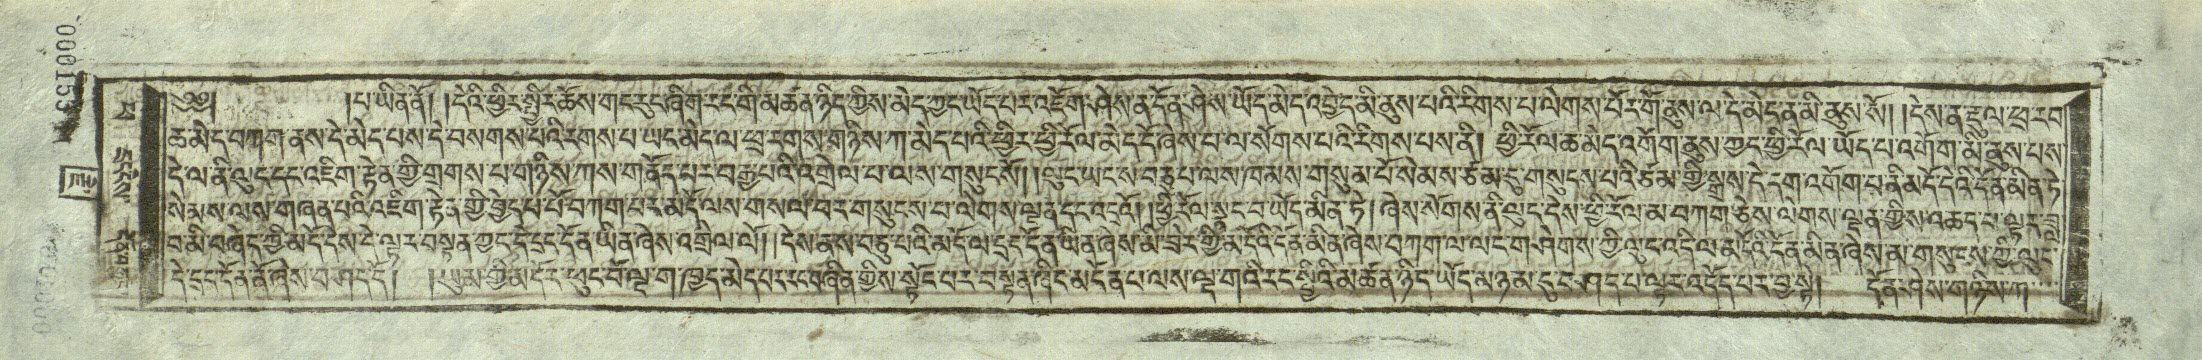༄༅། །པ་ཡིན་ནོ། །དེའི་ཕྱིར་སྤྱིར་ཆོས་གང་རུང་ཞིག་རང་གི་མཚན་ཉིད་ཀྱིས་མེད་ཀྱང་ཡོད་པར་འཇོག་ཤེས་ན་དོན་ཤེས་ཡོད་མེད་འབྱེད་མི་ནུས་པའི་རིགས་པ་ལེགས་པོར་གོ་ནུས་ལ་དེ་མེད་ན་མི་ནུས་སོ། །དེས་ན་རྡུལ་ཕྲ་རབ་
ཆ་མེད་བཀག་ནས་དེ་མེད་པས་དེ་བསགས་པའི་རགས་པ་ཡང་མེད་ལ་ཕྲ་རགས་གཉིས་ཀ་མེད་པའི་ཕྱིར་ཕྱི་རོལ་མེད་དོ་ཞེས་པ་ལ་སོགས་པའི་རིགས་པས་ནི། ཕྱི་རོལ་ཆ་མེད་འགོག་ནུས་ཀྱང་ཕྱི་རོལ་ཡོད་པ་འགོག་མི་ནུས་པས་
དེ་ལ་ནི་ལུང་དང་འཇིག་རྟེན་གྱི་གྲགས་པ་གཉིས་ཀས་གནོད་པར་བརྒྱ་པའི་འགྲེལ་པ་ལས་གསུངས་སོ། །ལུང་ཡང་ས་བཅུ་པ་ལས་ཁམས་གསུམ་པོ་སེམས་ཙམ་དུ་གསུངས་པའི་ཙམ་གྱི་སྐྲས་དེ་དག་འགོག་པ་ནི་མདོ་དེའི་དོན་མིན་ཏེ་
སེམས་ལས་གཞན་པའི་འཇིག་རྟེན་གྱི་བྱེད་པ་པོ་བཀག་པར་མདོ་ལས་གསལ་བར་གསུངས་པ་ལེགས་ལྡན་དང་འདྲའོ། །ཕྱི་རོལ་སྣང་བ་ཡོད་མིན་ཏེ། ཞེས་སོགས་ནི་ལུང་དེས་ཕྱི་རོལ་མ་བཀག་ཅེས་ལེགས་ལྡན་གྱིས་འཆད་པ་ལྟར་ཟླ་
བ་མི་བཞེད་ཀྱི་མདོ་དེས་དེ་ལྟར་བསྟན་ཀྱང་དེ་དྲང་དོན་ཡིན་ཞེས་འགྲེལ་ལོ། །དེས་ན་ས་བཅུ་པའི་མདོ་ལ་དྲང་དོན་ཡིན་ཞེས་མི་ཟེར་གྱི་མདོའི་དོན་མིན་ཞེས་བཀག་ལ་ལང་གཤེགས་ཀྱི་ལུང་འདི་ལ་མདོའི་དོན་མིན་ཞེས་མ་གསུངས་ཀྱི་ལུང་
དེ་དྲང་དོན་ནོ་ཞེས་བཤད་དོ། །ཡུམ་གྱི་མདོར་ཕུང་པོ་ལྔ་ག་ཁྱད་མེད་པར་རང་བཞིན་གྱིས་སྟོང་པར་བསྟན་ཞིང་མངོན་པ་ལས་ལྔ་གའི་རང་སྤྱིའི་མཚན་ཉིད་ཡོད་མཉམ་དུ་བཤད་པ་ལྟར་འདོད་པར་བྱ་སྟེ་། དོན་ཤེས་གཉིས་ཀ་